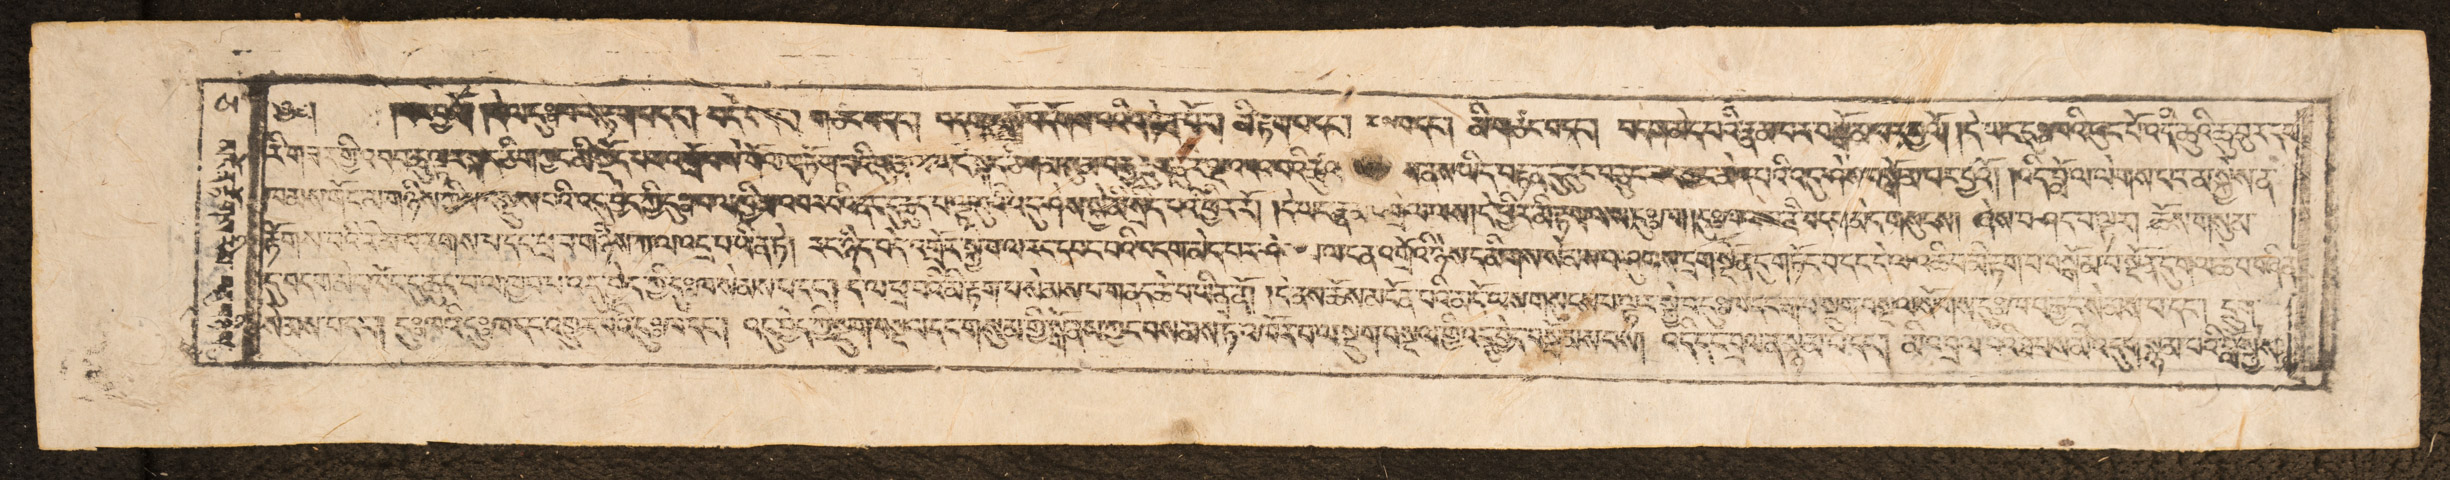༄༅། །པར་བྱའོ། །དེ་ལ་དུཿ ཁ་ལ་རྟག་པ་དང་། བདེ་བ་དང་། གཙང་བ་དང་། བདག་ཏུ་སྒྲོ་འདོགས་པའི་གཉེན་པོར། མི་རྟག་པ་དང་། དུཿ ཁ་དང་། མི་གཙང་བ་དང་། བདག་མེད་པའི་རྣམ་པར་བསྒོམ་པར་བྱའོ། །དེ་ཡང་དུཿ ཁའི་ཕུང་པོ་འདི་ཆུའི་ཆུ་བུར་དང་
རི་གཟར་གྱི་འབབ་ཆུ་ལྟར་སྐད་ཅིག་ཀྱང་མི་སྡོད་པར་འགྲོ་བ་སེ་གོལ་གཏོག་པའི་ཡུན་ལ་ཡང་སྐད་ཅིག་མ་སུམ་བརྒྱ་དྲུག་ཅུ་རེ་ལྔ་འདའ་བའི་ཚུལ་བསམས་ནས་ཡིད་བརྟན་དུ་རུང་བ་ཅུང་ཟད་ཀྱང་མེད་པའི་འདུ་ཤེས་བསྒོམ་པར་བྱའོ། །འདི་བློ་ལ་ལེགས་པར་མ་སྐྱེས་ན་
ཁམས་གོང་མ་གཉིས་ཀྱིས་བསྡུས་པའི་འདུ་བྱེད་ཀྱི་དུཿ ཁ་ལ་ཁྱིམ་འབར་བའི་ནང་དུ་ཆུད་པ་ལྟ་བུའི་འདུ་ཤེས་སྐྱེ་མི་སྲིད་པའི་ཕྱིར་རོ། །དེ་ཡང་རྣམ་འགྲེལ་ལས། དེ་ཕྱིར་མི་རྟག་ལས་དུཿ ཁ། །དུཿ ཁ་ལས་ནི་བདག་མེད་གསུངས། ཞེས་བཤད་པ་ལྟར། ཆོས་གསུམ་
རྟོགས་པའི་རིམ་པ་རགས་པ་དང་ཕྲ་བ་གཉིས་ཀ་ལ་འདྲ་བ་ཡིན་ཏེ། རང་ཉིད་བདེ་འགྲོར་སྐྱེ་བ་ལ་རང་དབང་བའི་བདག་མེད་པར་ཤེས་པ་ལ་ངན་འགྲོའི་ཉེས་དམིགས་སེམས་པ་ཤུགས་དྲག་སྔོན་དུ་གཏོང་བ་དང་དེ་ལ་འཆི་བ་མི་རྟག་པ་བསྒོམ་པ་སྔོན་དུ་གལ་ཆེ་བ་བཞིན་
དུ་བདག་མེད་ཁོང་དུ་ཆུད་པ་ལ་ཁྱབ་པ་འདུ་བྱེད་ཀྱི་དུཿ ཁ་སེམས་པ་དང་། དེ་ལ་ཕྲ་བའི་མི་རྟག་པ་སེམས་པ་གནད་ཆེ་བ་ཡིན་ནོ། །དེ་ནས་ཆོས་མངོན་པའི་མདོ་ལས་གསུངས་པ་ལྟར་སྐྱེ་བ་དུཿ ཁ་དང་རྒ་བ་སྡུག་བསྔལ་སོགས་དུཿ ཁ་བརྒྱད་སེམས་པ་དང་། དྲུག་
སེམས་པ་དང་། དུཿ ཁའི་དུཿ ཁ་དང་འགྱུར་བའི་དུཿ ཁ་དང་། འདུ་བྱེད་ཀྱི་སྡུག་བསྔལ་དང་གསུམ་གྱི་སྒོ་ནས་ཀྱང་བསམས་ཏེ་འཁོར་བ་ལ་སྡུག་བསྔལ་གྱི་འདུ་བྱེད་བསྒོམས་པས། འདི་དང་བྲལ་ན་སྙམ་པ་དང་། མི་འབྲལ་བའི་ཐབས་མི་འདུག་སྙམ་པའི་བློ་སྐྱེས་